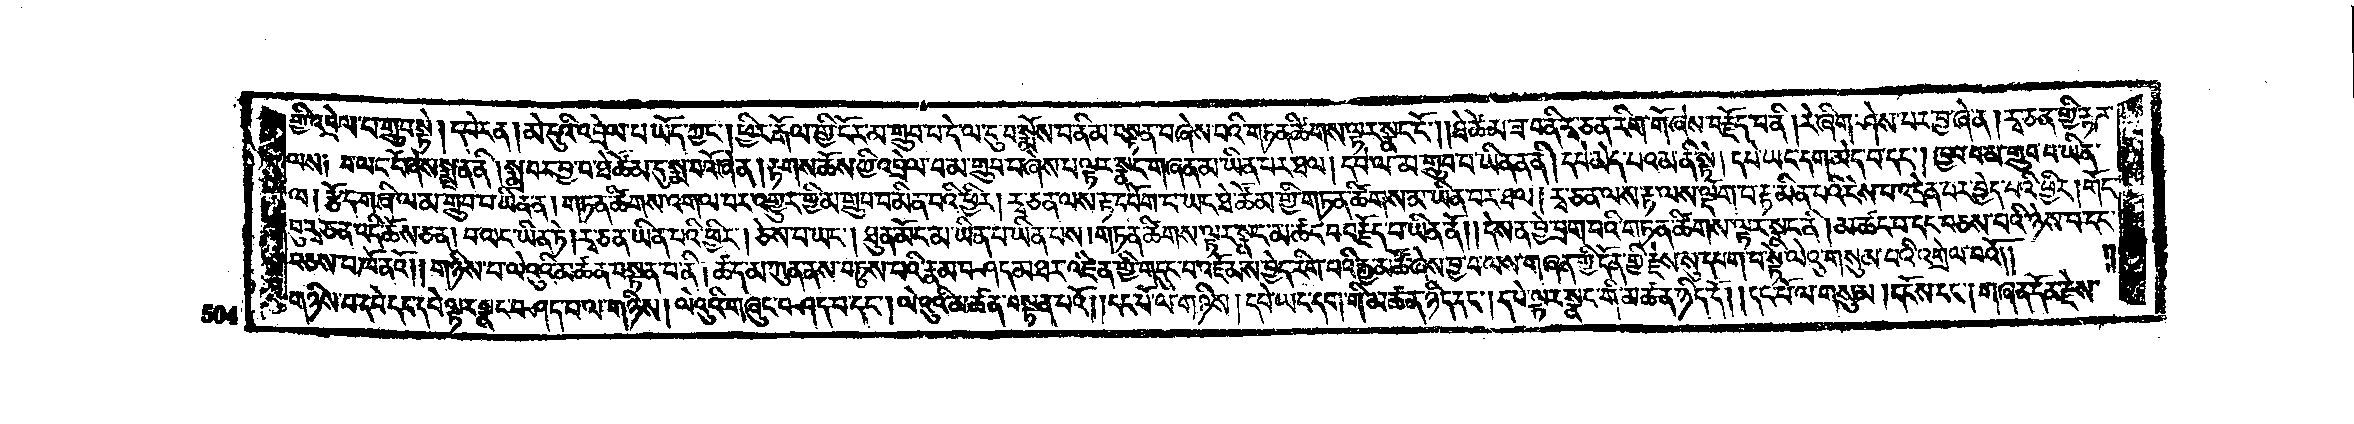གྱི་འབྲེལ་པ་གྲུབ་སྟེ། དཔེར་ན། མེ་དུའི་འབྲེལ་པ་ཡོད་ཀྱང་། ཕྱིར་རྒོལ་གྱི་ངོར་མ་གྲུབ་པ་དེ་ལ་དུ་བ་སྨོས་པ་ནི་མ་བསྟན་པ་ཞེས་པའི་གཏན་ཚིགས་ལྟར་སྣང་ངོ། །ཐེ་ཚོམ་ཟ་བ་ནི་རྭ་ཅན་རིག་གོ་ཞེས་བརྗོད་པ་ནི། རེ་ཞིག་ཤེས་པར་བྱ་ཞེ་ན། རྭ་ཅན་གྱི་རྟགས་
ལས༑ བ་ལང་ངོ་ཞེས་སྨྲ་ན་ནི། སྨྲ་བར་བྱ་བ་ཐེ་ཚོམ་དུ་སྨྲ་བའོ་ཞེ་ན། རྟགས་ཆོས་ཀྱི་འབྲེལ་པ་མ་གྲུབ་པ་ཞེས་པ་ལྟར་སྣང་གཞན་མ་ཡིན་པར་ཐལ། དཔེ་ལ་མ་གྲུབ་པ་ཡིན་ན་ནི། དཔེ་མེད་པའམ་ནི་སྟེ། དཔེ་ཡང་དག་མེད་པ་དང་། ཁྱབ་པ་མ་གྲུབ་པ་ཡིན་
ལ༑ རྩོད་གཞི་ལམ་གྲུབ་པ་ཡིན་ན། གཏན་ཚིགས་འགལ་བར་འགྱུར་གྱི་མ་གྲུབ་པ་མིན་པའི་ཕྱིར། རྭ་ཅན་ལས་རྟ་དཔོག་པ་ཡང་ཐེ་ཚོམ་གྱི་གཏན་ཚིགས་མ་ཡིན་པར་ཐལ། །རྭ་ཅན་ལས་རྟ་ལས་ལྡོག་པ་རྟ་མིན་པའི་ངེས་པ་འདྲེན་པར་བྱེད་པའི་ཕྱིར། གོང་
བུ་རྭ་ཅན་འདི་ཆོས་ཅན། བ་ལང་ཡིན་ཏེ། རྭ་ཅན་ཡིན་པའི་ཕྱིར། ཅེས་པ་ཡང་། ཐུན་མོང་མ་ཡིན་པ་ཡིན་པས། གཏན་ཚིགས་ལྟར་སྣང་མ་ཚང་བ་བརྗོད་པ་ཡིན་ནོ། །དེས་ན་བྱེ་བྲག་པའི་གཏན་ཚིགས་ལྟར་སྣང་ནི། མ་ཚང་བ་དང་བཅས་པའི་ཉེས་པ་དང་
བཅས་པ་ཁོ་ནའོ། །གཉིས་པ་ལེའུའི་མཚན་བསྟན་པ་ནི། ཚད་མ་ཀུན་ནས་བཏུས་པའི་རྣམ་བཤད་མཐར་འཛིན་གྱི་གདུང་བ་འཇོམས་བྱེད་རིག་པའི་རྒྱ་མཚོ་ཞེས་བྱ་བ་ལས་གཞན་གྱི་དོན་གྱི་རྗེས་སུ་དཔག་པ་སྟེ་ལུའི་གསུམ་པའི་འགྲེལ་པའོ།། །།
གཉིས་པ་དཔེ་དང་དཔེ་ལྟར་སྣང་བཤད་པ་ལ་གཉིས། ལེའུའི་གཞུང་བཤད་པ་དང་། ལེའུའི་མཚན་བསྟན་པའོ། །དང་པོ་ལ་གཉིས། དཔེ་ཡང་དག་གི་མཚན་ཉིད་དང་། དཔེ་ལྟར་སྣང་གི་མཚན་ཉིད་དོ། །དང་པོ་ལ་གསུམ། དངོས་དང་། གཞན་དོན་རྗེས་